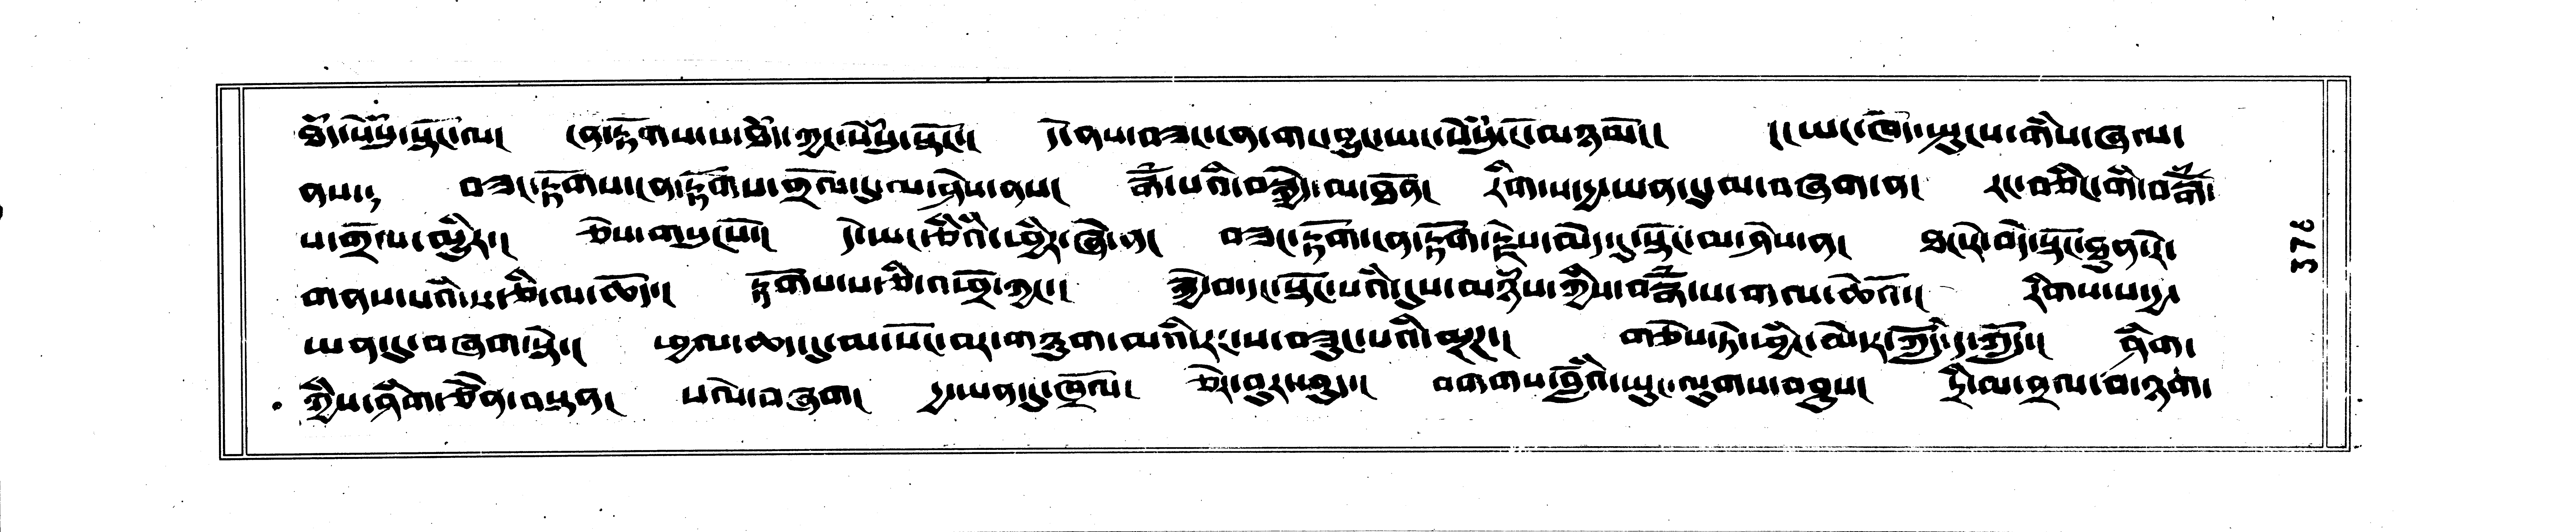ཐམས་སེམས་སུ་མཉམ་སྟེ་སོང་པ་ལ། ངན་པའི་རྟོག་པ་ཐམས་ཀྱང་སེམས་སུ་སྟོང་ངོ་། དེ་ན་བཟང་ངན་གང་ཡང་བྱང་ཆུབ་སེམས་སུ་རོ་མཉམ་མོ། ཡང་ཁོད་སྤུངས་ཀྱིས་ཞལ་
ནས། བཟང་རྟོག་ངན་རྟོག་གྲོལ་དུ་མ་ཤེས་ན་ སྒོམ་པས་རྐྱེན་མི་ཐུབ། རིག་པ་རྒྱ་ཡན་དུ་མ་བཞག་ན། རང་བཅིང་གྱིས་སྒོམ་
གྲོལ་མི་འགྱུར། ཅེས་གསུངས། དེ་ཡང་ཅིའི་ཕྱིར་ཞེ་ན། བཟང་རྟོག་ངན་རྟོག་རྗེས་མེད་དུ་བཏང་མ་ཤེས་ན། དར་དེ་བདེ་སྟོང་ཐུན་རེ་
གནས་པས་ས་ཅི་ལ་ཆོད། རྟོག་པ་ཅི་འཕྲོས་ཀྱང་ སྐྱེ་བ་དང་སྟོང་པ་དུས་མཉམ་གྱིས་སྒོམ་པ་གལ་ཆེའོ། རིག་པ་རྒྱ་
ཡན་དུ་བཞག་སྟེ་ཕྱལ་དུ་མ་སོང་བར། གཉུག་མ་རང་སར་བཟུང་པའི་མེན་ངག་ གཅེས་སོ། ཕྱི་ནང་མེད་པར་ཀློད་དེ་ཀློད། ཤིགས་
ཀྱི་བཤིགས། ཙེན་ཙེན་བརྟེན། སལེ་གསལ། རྒྱན་ཡན་དུ་བཀྲོལ། ཅེར་༼གཅེར༽པུར་ཕུད། བག་ཆགས་བློའི་གཡང་ལུག་ཤུས། དྲི་མ་དང་བྲལ་བའི་སྐྱེས་བུ་ཉག་སེམས་སུ་མཉམ་སྟེ་སོང་པ་ལ།